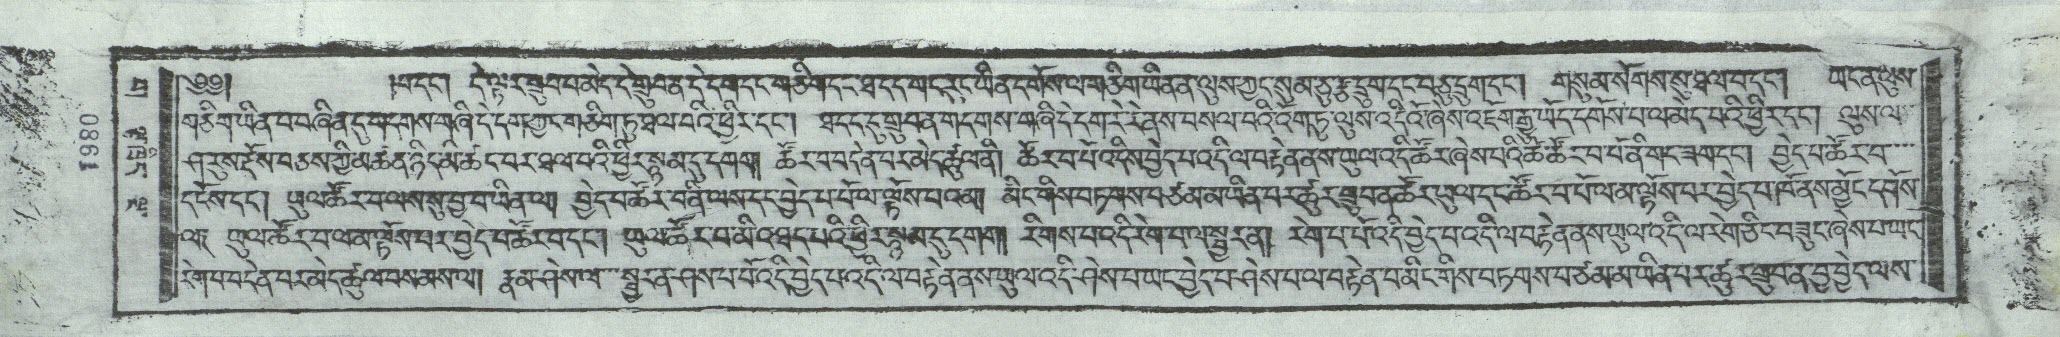༄༅། །པ་དང་། དེ་ལྟར་གྲུབ་པ་མེད་དེ་གྲུབ་ན་དེ་དག་དང་གཅིག་དང་ཐ་དད་གང་རུང་ཡིན་དགོས་ལ་གཅིག་ཡིན་ན་ལུས་ཀྱང་སུམ་ཅུ་རྩ་དྲུག་དང་བཅུ་དྲུག་དང་། གསུམ་སོགས་སུ་ཐལ་བ་དང་། ཡང་ན་ལུས་
གཅིག་ཡིན་པ་བཞིན་དུ་གདགས་གཞི་དེ་དག་ཀྱང་གཅིག་ཏུ་ཐལ་བའི་ཕྱིར་དང་། ཐ་དད་དུ་གྲུབ་ན་གདགས་གཞི་དེ་དག་རེ་རེ་ནས་བསལ་བའི་འོག་ཏུ་ལུས་འདིའོ་ཞེས་འཇོག་རྒྱུ་ཡོད་དགོས་པ་ལ་མེད་པའི་ཕྱིར་དང་། ལུས་ལ་
ཤ་རུས་རྔོས་བཅས་ཀྱི་མཚན་ཉིད་མི་ཚད་པར་ཐལ་བའི་ཕྱིར་སྙམ་དུ་དགག། ཚོར་བ་བདེན་པར་མེད་ཚུལ་ནི། ཚོར་བ་པོ་འདིས་བྱེད་པ་འདི་ལ་བརྟེན་ནས་ཡུལ་འདི་ཚོར་ཞེས་པའི་ཚེ་ཚོར་བ་པོ་ནི་གང་ཟག་དང་། བྱེད་པ་ཚོར་བ་
དངོས་དང་། ཡུལ་ཚོར་བ་ལས་སུ་བྱ་བ་ཡིན་ལ། བྱེད་པ་ཚོར་བ་ནི་ལས་དང་བྱེད་པ་པོ་ལ་ལྟོས་པའམ། མིང་གིས་བཏགས་པ་ཙམ་མ་ཡིན་པར་ཚུར་གྲུབ་ན་ཚོར་ཡུལ་དང་ཚོར་བ་པོ་ལ་མ་ལྟོས་པར་བྱེད་པ་ཁོ་ནས་མྱོང་དགོས་
ལ༑ ཡུལ་ཚོར་བ་ལ་མ་ལྟོས་པར་བྱེད་པ་ཚོར་བ་དང་། ཡུལ་ཚོར་བ་མི་འཐད་པའི་ཕྱིར་སྙམ་དུ་དགག། རིགས་པ་འདི་རེག་པ་ལ་སྦྱར་ན། རེག་པ་པོ་འདི་བྱེད་པ་འདི་ལ་བརྟེན་ནས་ཡུལ་འདི་ལ་རེག་ཅིང་བཟུང་ཞེས་པ་ཡང་
རེག་པ་བདེན་པར་མེད་ཚུལ་བསམས་ལ། རྣམ་ཤེས་ལ་སྦྱར་ན་ཤེས་པ་པོ་འདི་བྱེད་པ་འདི་ལ་བརྟེན་ནས་ཡུལ་འདི་ཤེས་པ་ཡང་བྱེད་པ་ཤེས་པ་ལ་བརྟེན་པ་མིང་གིས་བཏགས་པ་ཙམ་མ་ཡིན་པར་ཚུར་གྲུབ་ན་བྱ་བྱེད་ལས་